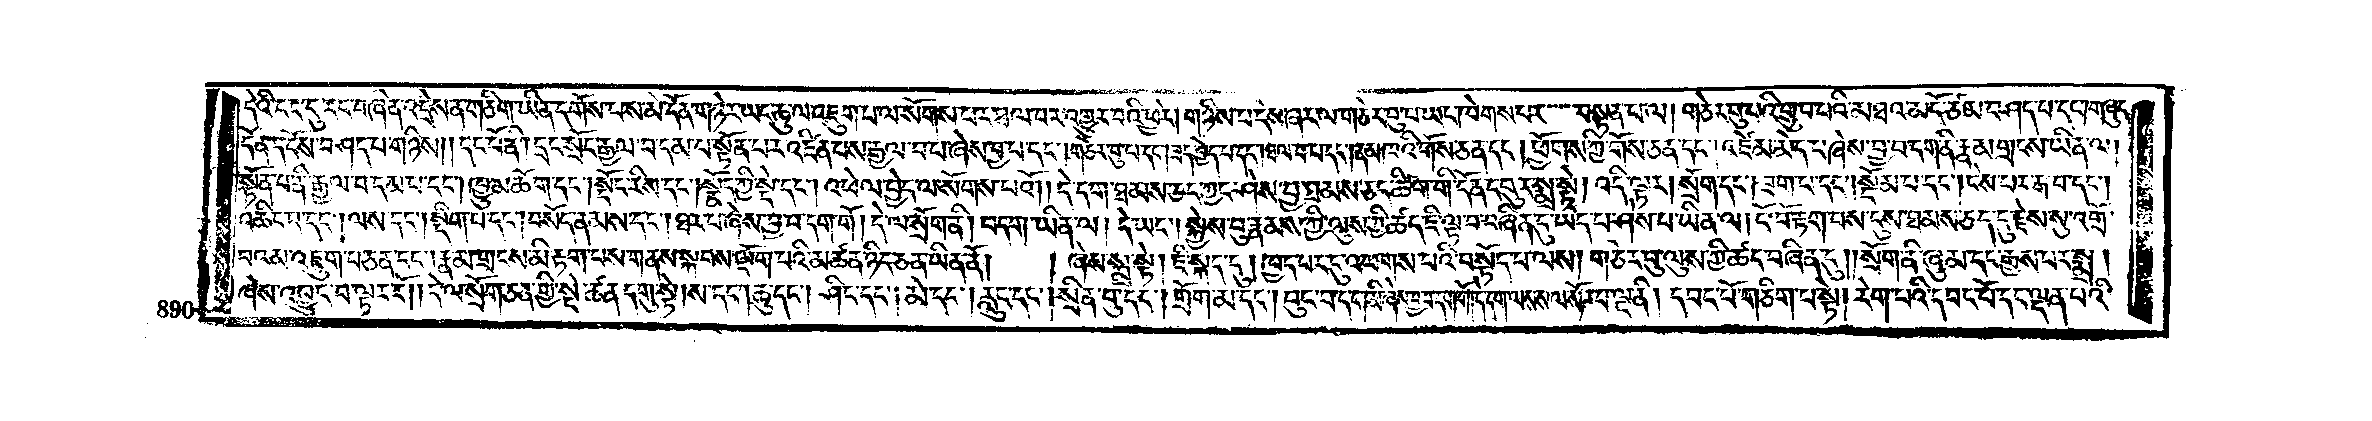དེའི་ངང་དུ་རང་བཞིན་འདྲེས་ན་གཅིག་ཡིན་དགོས་པས་མེ་དོན་གཉེར་ཡང་ཆུ་ལ་འཇུག་པ་ལ་སོགས་པར་ཐལ་བར་འགྱུར་བ་ཕྱིར། གཉིས་པ་དེས་ཞར་ལ་གཅེར་བུ་པ་ཡང་ཁེགས་པར་བསྟན་པ་ལ། གཅེར་བུ་པའི་གྲུབ་པའི་མཐའ་མདོ་ཙམ་བཤད་པ་དང་། གཞུང་
དོན་དངོས་བཤད་པ་གཉིས། དང་པོ་ནི། དྲང་སྲོང་རྒྱལ་བ་དམ་པ་སྟོན་པར་འཛིན་པས་རྒྱལ་བ་པ་ཞེས་བྱ་བ་དང་། གཅེར་བུ་པ་དང་། ཟད་བྱེད་པ་དང་། ཐལ་བ་པ་དང་། ནམ་མཁའི་གོས་ཅན་དང་། ཕྱོགས་ཀྱི་གོས་ཅན་དང་། འཛེམ་མེད་པ་ཞེས་བྱ་བ་དག་ནི་རྣམ་གྲངས་ཡིན་ལ།
སྟོན་པ་ནི་རྒྱལ་བ་དམ་པ་དང་། ཁྱུམ་ཆོག་དང་། སྡོང་རིས་དང་། སྣོད་ཀྱི་སྡེ་དང་། འཕེལ་བྱེད་ལ་སོགས་པའོ། །དེ་དག་ཐམས་ཅད་ཀྱང་ཤེས་བྱ་ཐམས་ཅད་ཚིག་གི་དོན་དབྱུར་སྨྲ་སྟེ། འདི་ལྟར། སྲོག་དང་། ཟད་པ་དང་། སྡོམ་པ་དང་། ངེས་པར་རྒ་བ་དང་།
འཆིང་བ་དང་། ལས་དང་། སྡིག་པ་དང་། བསོད་ནམས་དང་། ཐར་པ་ཞེས་བྱ་བ་དང་གོ། །དེ་ལ་སྲོད་ནི། བདག་ཡིན་ལ། དེ་ཡང་། སྐྱེས་བུ་རྣམས་ཀྱི་ལུས་ཀྱི་ཚུད་ཇི་ལྟ་བ་བཞིན་དུ་ཡིད་པ་ཤེས་པ་ཡིན་ལ། ངོ་བོ་རྟོག་པས་དུས་ཐམས་ཅད་དུ་རྗེས་སུ་འགྲོ་
པའམ་འཇུག་པ་ཅན་དང་། རྣམ་གྲངས་མི་རྟག་པས་གནས་སྐབས་ལྡོག་པའི་མཚན་ཉིད་ཅན་ཡིན་ནོ། །ཞེས་སྨྲ་སྟེ། ཇི་སྐད་དུ། ཁྱད་པར་དུ་འཕགས་པའི་བསྟོད་པ་ལས། གཅེར་བུ་ལུས་ཀྱི་ཚད་བཞིན་དུ། །སྲོག་ནི་ཞུམ་དང་རྒྱས་པར་སྨྲ།
ཞེས་འབྱུང་བ་ལྟར་རོ། །དེ་ལ་སྲོག་ཅན་གྱི་སྡེ་ཚན་དགུ་སྟེ། ས་དང་། ཤིང་དང་། མེ་དང་། རླུང་དང་། སྲིན་བུ་དང་། གྲོག་མ་དང་། བུང་བ་དང་། མི་ཞེས་བྱ་བ་དག་གོ། །དེ་དག་ལས་ས་ལ་སོགས་པ་ལྔ་ནི། དབང་པོ་གཅིག་པ་སྟེ། རེག་པའི་དབང་པོ་དང་ལྡན་པའི་